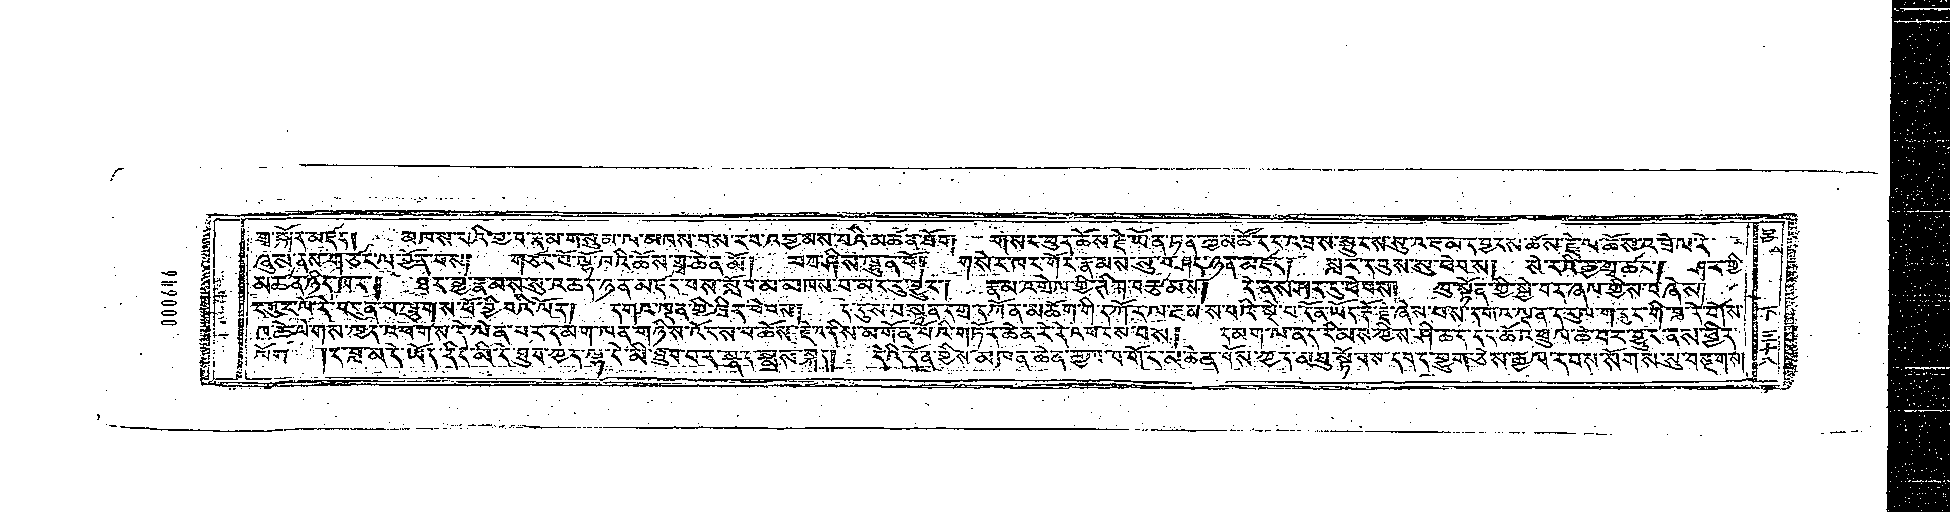གྲྭ་སྐོར་མཛད། མཁས་པའི་བྱ་བ་རྣམ་གསུམ་ལ་མཁས་བས་རབ་འབྱམས་པའི་མཚན་ཐོབ། གསང་ཕུར་ཆོས་རྗེ་ཡོན་ཏན་རྒྱ་མཚོ་དང་འབྲས་སྤུངས་སུ་འཇམ་དབྱངས་ཆོས་རྗེ་ལ་ཆོས་འབྲེལ་རེ་
ཞུས་ནས་གཙང་ལ་བྱོན་བས། གཙང་པོ་ལྷོ་ཁའི་ཆོས་གྲྭ་ཆེན་མོ། བཀྲ་ཤིས་ལྷུན་པོ། གསེར་ཁང་གོང་རྣམས་སུ་བཤད་ཉན་མཛད། སླར་དབུས་སུ་ཕེབས། སེ་རའི་རྒྱ་གྲྭ་ཚང་། ཤར་གྱི་
མཚན་ཉིད་ཁང་། ཐང་སྐྱ་རྣམས་སུ་འཆད་ཉན་མཛད་པས་སློབ་མ་མཁས་པ་མང་དུ་བྱུང་། རྣམ་འགྲེལ་གྱི་ཊིཀྐ་བརྩམས། དེ་ནས་ཤར་དུ་ཕེབས། ལུ་སྟོན་གྱི་སྐྱེ་བར་ཞལ་གྱིས་བཞེས།
དགུང་ལོ་རེ་བདུན་པ་ལྕགས་ཕོ་བྱི་བའི་ལོར། དགའ་ལྡན་གྱི་ཁྲིར་ཕེབས། དེ་དུས་བསྟན་དགྲ་དཀོན་མཆོག་གི་དཀོར་ལ་རྔམས་པའི་སྡེ་པ་དོན་ཡོད་རྡོ་རྗེ་ཞེས་པས་དགའ་ལྡན་དངུལ་གདུང་གི་བླ་རེ་གོས་
ཁ་ཆེ་ལེགས་ཁྱད་འཕགས་དེ་ལེན་པར་དམག་ལན་གཉིས་འོངས་བ་ཆོས་རྗེ་འདིས་མགོན་པོའི་གཏོར་ཆེན་རེ་རེ་འཕངས་པས། དམག་ལ་ནད་རིམས་ཀྱིས་ཤི་ཆད་དང་ཆོ་འཕྲུལ་ཆེ་བར་བྱུང་ནས་ཕྱིར་
ལོག །ང་བླ་མ་དེ་ཡོད་རིང་མི་དེ་ཐུབ་ཀྱང་ལྷ་དེ་མི་ཐུབ་པར་སྣང་སྨྲས་སྐད། དེའི་དོན་གྱིས་མཁན་ཆེན་རྒྱལ་བ་གོད་མ་ཆེན་པོས་ཀྱང་མཐུ་སྟོབས་དབང་ཕྱུག་ཅེས་རྒྱལ་རབས་སོགས་སུ་བསྔགས།